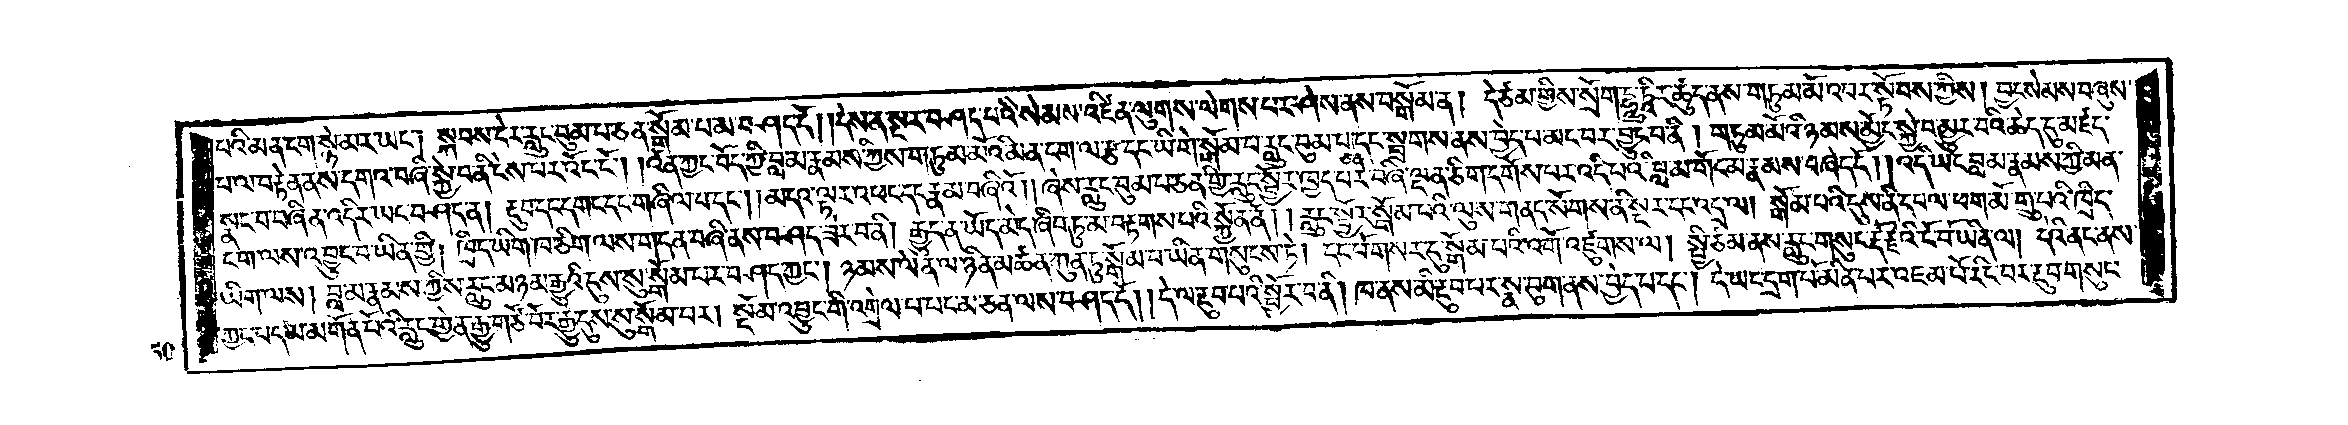པའི་མན་ངག་སྙེ་མར་ཡང་། སྐབས་དེར་རླུང་བུམ་པ་ཅན་སྒོམ་པ་མ་བཤད་དོ། །དེས་ན་སྔར་བཤད་པའི་སེམས་འཛིན་ལུགས་ལེགས་པར་ཤེས་ནས་བསྒོམ་ན། དེ་ཙམ་གྱིས་སྲོག་དྷཱུ་ཏཱིར་ཚུད་ནས་གཏུམ་མོ་འབར་སྟོབས་ཀྱིས། བྱང་སེམས་བཞུས་
པ་ལ་བརྟེན་ནས་དགའ་བཞི་སྐྱེ་བ་ནི་ངེས་པར་འོང་ངོ། །འོན་ཀྱང་བོད་ཀྱི་བླ་མ་རྣམས་ཀྱིས་གཏུམ་མོའི་མན་ངག་ལ་རྩ་དང་ཡི་གེ་སྒོམ་པ་རླུང་བུམ་པ་ཅན་དང་སྦྲགས་ནས་བྱེད་པ་མང་བར་བྱུང་བ་ནི། གཏུམ་མོའི་ཉམས་མྱོང་སྐྱེ་བ་མྱུར་བའི་ཆེད་དུ་མཛད་
སྣང་བ་བཞིན་འདིར་ཡང་བཤད་ན། རྔུབ་དང་དགང་དང་གཞིལ་བ་དང་། །མདའ་ལྟར་འཕང་དང་རྣམ་བཞིའོ། །ཞེས་རླུང་བུམ་པ་ཅན་གྱི་རླུང་སྦྱོར་ཁྱད་པར་བཞི་ལྡན་ཅིག་དགོས་པར་འདི་པའི་བླ་མ་གོང་མ་རྣམས་བཞེད་དོ། །འདི་ཡང་བླ་མ་རྣམས་ཀྱི་མན་
ངག་ལས་འབྱུང་བ་ཡིན་གྱི། ཁྲིད་ཡིག་ཁ་ཅིག་ལས་གདན་བཞི་ནས་བཤད་ཟེར་བ་ནི། རྒྱུད་ན་ཡོད་མེད་ཞིབ་ཏུ་མ་བརྟགས་པའི་སྐྱོན་ནོ། །རླུང་སྦྱོར་སྒོམ་པའི་ལུས་གནད་སོགས་ནི་སྔར་དང་འདྲ་ལ། སྒོམ་པའི་དུས་ནི་དཔལ་ཕག་མོ་གྲུབ་པའི་ཁྲིད་
ཡིག་ལས། བླ་མ་རྣམས་ཀྱིས་རླུང་མཉམ་རྒྱུའི་དུས་སུ་སྒོམ་པར་བཤད་ཀྱང་། ཉམས་ལེན་ལ་ཉིན་མཚན་ཀུན་ཏུ་སྒོམ་པ་ཡིན་གསུངས་ཏེ། དང་པོ་གསར་དུ་སྒོམ་པའི་འགོ་འཛུགས་ལ། སྤྱི་ཙམ་ནས་རླུང་གསུང་རྡོ་རྗེའི་ངོ་བོ་ཡིན་ལ། དེའི་ནང་ནས་
ཀྱང་པད་མ་མགོན་པོའི་རླུང་གྱེན་རྒྱུ་གཙོ་བོར་རྒྱུ་དུས་སུ་སྒོམ་པར། སྡོམ་འབྱུང་གི་འགྲེལ་པ་པད་མ་ཅན་ལས་བཤད་དོ། །དེ་ལ་རྔུབ་པའི་སྦྱོར་བ་ནི། ཁ་ནས་མི་རྔུབ་པར་སྣ་བུག་ནས་བྱེད་པ་དང་། དེ་ཡང་དྲག་པོ་མིན་པར་འཇམ་པོ་རིང་བར་རྔུབ་གསུང་